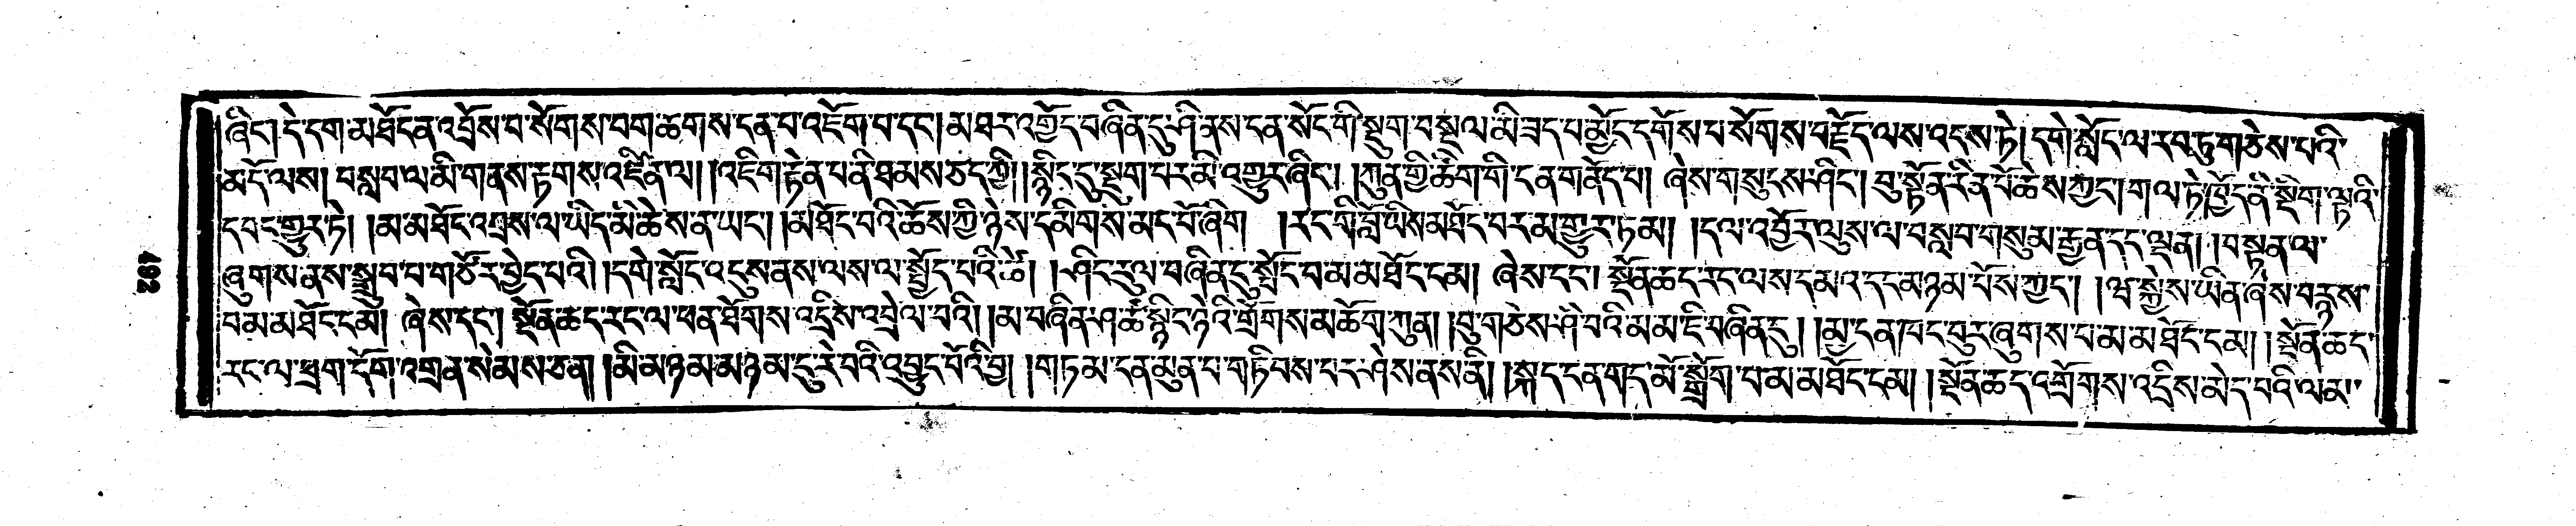ཞིང་། དེ་དག་མཐོང་ན་འབྲོས་པ་སོགས་བག་ཆགས་ངན་པ་འཇོག་པ་དང་། མཐར་འགྱོད་བཞིན་དུ་ཤི་ནས་ངན་སོང་གི་སྡུག་བསྔལ་མི་ཟད་པ་མྱོང་དགོས་པ་སོགས་བརྗོད་ལས་འདས་ཏེ། དགེ་སློང་ལ་རབ་ཏུ་གཅེས་པའི་
མདོ་ལས། བསླབ་ལ་མི་གནས་རྟགས་འཛིན་ལ། །འཇིག་རྟེན་པ་ནི་ཐམས་ཅད་ཀྱི། །སྙིང་དུ་སྡུག་པར་མི་འགྱུར་ཞིང་། །ཀུན་གྱི་ཚིག་གི་ངན་གནོད་པ། ཞེས་གསུངས་ཤིང་། བུ་སྟོན་རིན་པོ་ཆེས་ཀྱང་། གལ་ཏེ་ཁྱོད་ནི་སྡིག་ལྟའི་
དབང་གྱུར་ཏེ། །མ་མཐོང་འབྲས་ལ་ཡིད་མི་ཆེས་ན་ཡང་། །མཐོང་བའི་ཆོས་ཀྱི་ཉེས་དམིགས་མང་པོ་ཞིག །རང་གི་བློ་ཡིས་མཐོང་བར་མ་གྱུར་ཏམ། །དལ་འབྱོར་ལུས་ལ་བསླབ་གསུམ་རྒྱན་དང་ལྡན། །བསྟན་ལ་
ཞུགས་ནས་སྒྲུབ་པ་གཙོར་བྱེད་པའི། །དགེ་སློང་འདུས་ནས་ལས་ལ་སྤྱོད་པའི་ཚེ། །ཤིང་རུལ་བཞིན་དུ་སྤོང་བ་མ་མཐོང་ངམ། ཞེས་དང་། སྔོན་ཆད་རང་ལས་དམའ་དང་མཉམ་པོས་ཀྱང་། །ཝ་སྐྱེས་ཡིན་ཞེས་བརྙས་
པ་མ་མཐོང་ངམ། ཞེས་དང་། སྔོན་ཆད་རང་ལ་ཕན་ཐོགས་འདྲིས་འབྲེལ་བའི། །མ་བཞིན་ཤ་ཚ་སྙིང་ཉེའི་གྲོགས་མཆོག་ཀུན། །བུ་གཅེས་ཤི་བའི་མ་མ་ཇི་བཞིན་དུ། །མྱ་ངན་ཁང་བུར་ཞུགས་པ་མ་མཐོང་ངམ། །སྔོན་ཆད་
རང་ལ་ཕྲག་དོག་འགྲན་སེམས་ཅན། །མི་མཉམ་མཉམ་དུ་རེ་བའི་འབྱུང་པོའི་བྱ། །གཏམ་ངན་མུན་པ་གཏིབས་པར་ཤེས་ནས་ནི། །སྐད་ངན་གད་མོ་སྒྲོག་པ་མ་མཐོང་ངམ། །སྔོན་ཆད་འགྲོགས་འདྲིས་མེད་པའི་ལམ་